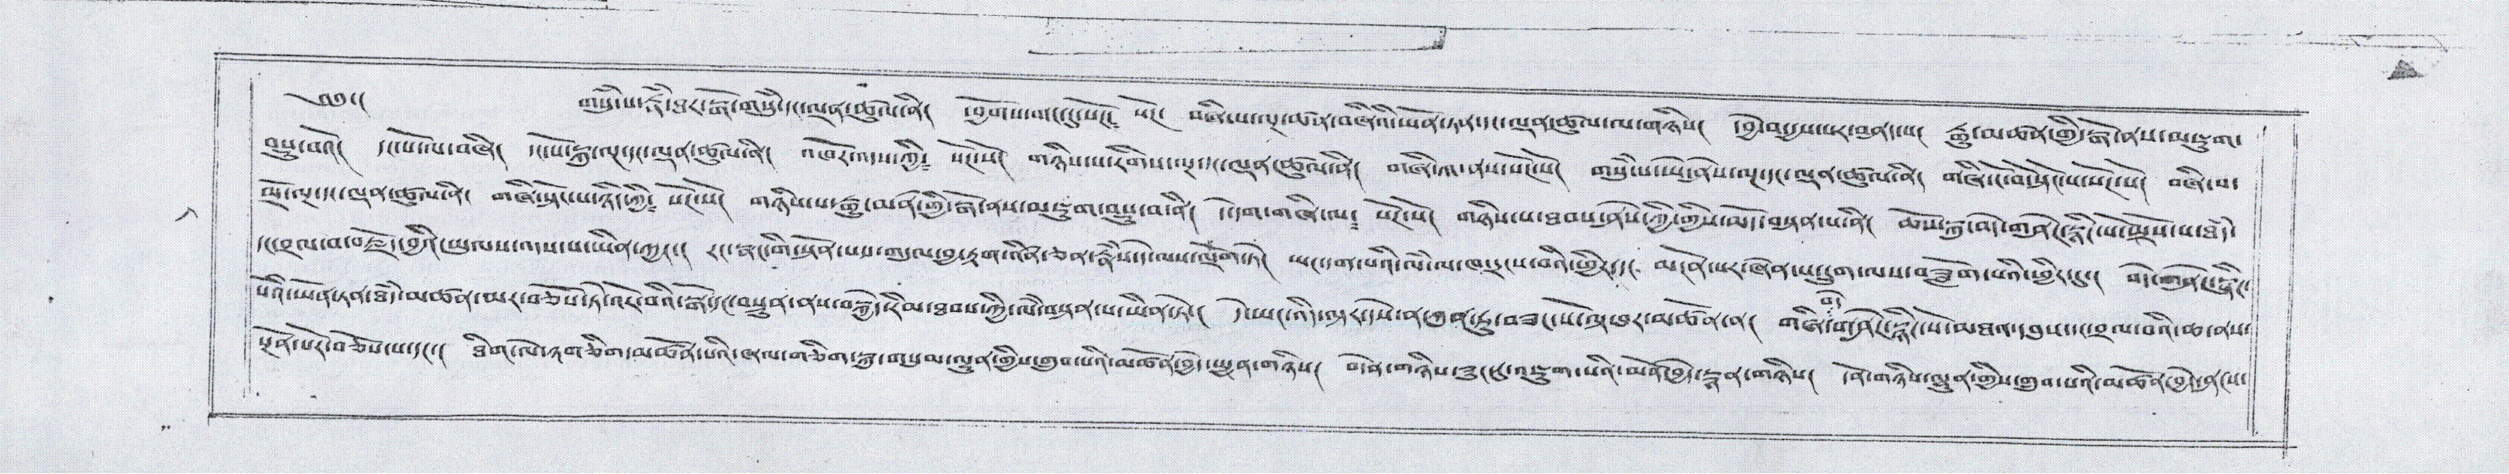གསུམ་པ་རྣམ་ཐར་སྒོ་གསུམ་དང་ལྡན་ཚུལ་ནི། ཕྱོགས་གང་དུ་སོགས་སོ། བཞི་པ་ལྔ་ཚན་བཞིའི་ཡོན་ཏན་དང་ལྡན་ཚུལ་ལ་གཉིས། དབྱེ་བ་རྒྱས་པར་བཤད་པ། རྒྱུ་མཚན་གྱི་སྒོ་ནས་མཇུག་
བསྡུ་བའོ། །དང་པོ་ལ་བཞི། དང་པོ་སྐུ་ལྔ་དང་ལྡན་ཚུལ་ནི། འཁོར་འདས་ཀྱི་སོགས་སོ།། གཉིས་པ་རིགས་ལྔ་དང་ལྡན་ཚུལ་ནི། གཞི་ཀ་ནས་སོགས་སོ། གསུམ་པ་ཡེ་ཤེས་ལྔ་དང་ལྡན་ཚུལ་ནི། གཞི་ངོ་བོ་སྟོང་པ་སོགས་སོ། བཞི་པ་
མཁའ་འགྲོ་ལྔ་དང་ལྡན་ཚུལ་ནི། གཞི་སྟོང་པ་ཉིད་ཀྱི་སོགས་སོ། །གཉིས་པ་རྒྱུ་མཚན་གྱི་སྒོ་ནས་མཇུག་བསྡུ་བ་ནི། དེ་དག་གཞི་ལ་སོགས་སོ། གཉིས་པ་ཐབས་ཤེས་ཀྱིས་མདོ་བསྟན་པ་ནི། ཆོས་སྐུ་བདེར་གཤེགས་སྙིང་པོ་སྤྲོས་པ་ཐམས་ཅད་
དང་བྲལ་བ་བརྗོད་བྱའི་ཡུལ་ལས་འདས་པ་ཡིན་ཀྱང་། རང་སྣང་གི་སྟོན་པས་གདུལ་བྱ་རྟག་འཛིན་ཅན་རྣམས་དེ་ལས་ལྡོག་སྟེ། ཡང་དག་པའི་ལམ་ལ་ཁ་དྲང་བའི་ཕྱིར་དུ། མངོན་པར་ཞེན་པ་དྲུག་ལས་བཟློག་པའི་ཕྱིར་དུ། བདེར་གཤེགས་སྙིང་
པོའི་ཡོན་ཏན་ཐམས་ཅད་མཚན་མར་བཅོས་ཏེ་འཁོར་བའི་སྒོ་དང་བསྟུན་ནས་བསྐྱེད་རིམ་ཐབས་ཀྱི་ལམ་བསྟན་པ་ཡིན་ཏེ། དེ་ཡང་འདི་ལྟར། དེས་ན་ཀུན་ཏུ་བཟང་པོ་ལྟ་བུར་མཚོན་ན། གཞི་བདེར་གཤེགས་སྙིང་པོ་མཐའ་དབུས་དང་བྲལ་བའི་ཆ་ནས་
སྔོན་པོར་བཅོས་པ་དང་། ཐིག་ལེ་ཉག་ཅིག་མཚོན་པའི་ཞལ་གཅིག་སྐུ་གསུམ་ལྷུན་གྱིས་གྲུབ་པའི་མཚོན་བྱེད་སྤྱན་གཉིས། བདེན་གཉིས་ཟུང་དུ་འཇུག་པའི་མཚོན་བྱེད་སྙན་གཉིས། དོན་གཉིས་ལྷུན་གྱིས་གྲུབ་པའི་མཚོན་བྱེད་ཤངས་